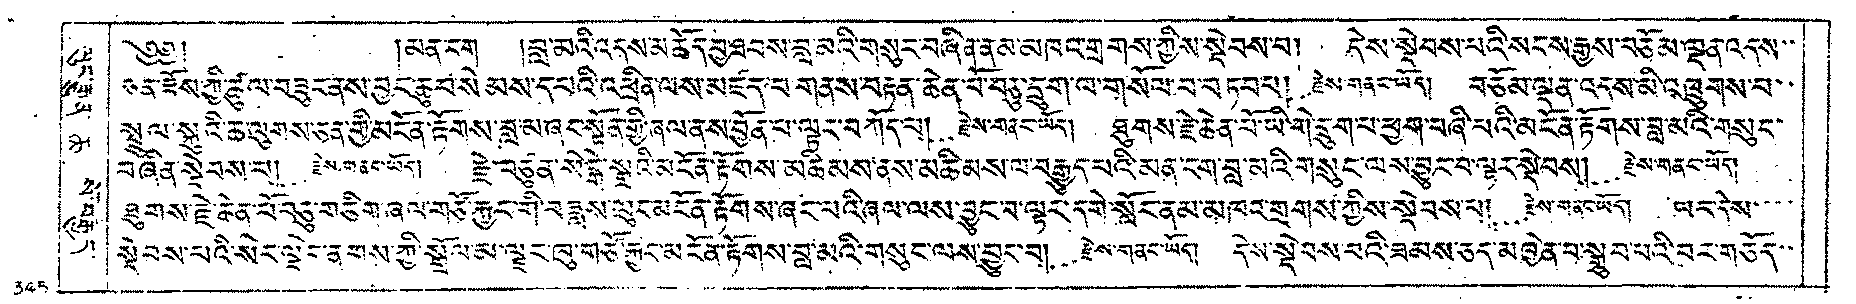༄༅། །མན་ངག །བླ་མའི་འདས་མཆོད་བྱ་ཐབས་བླ་མའི་གསུང་བཞིན་ནམ་མཁའ་གྲགས་ཀྱིས་སྡེབས་པ། དེས་སྡེབས་པའི་སངས་རྒྱས་བཅོམ་ལྡན་འདས་
ཉན་ཐོས་ཀྱི་ཚུལ་བཟུང་ནས་བྱང་ཆུབ་སེམས་དཔའི་འཕྲིན་ལས་མཛད་པ་གནས་བརྟན་ཆེན་པོ་བཅུ་དྲུག་ལ་གསོལ་བ་བཏབ་པ། རྗེས་གནང་ཡོད།  བཅོམ་ལྡན་འདས་མི་འཁྲུགས་པ་
སྤྲུལ་སྐུའི་ཆ་ལུགས་ཅན་གྱི་མངོན་རྟོགས་བླ་མ་ཞང་སྟོན་གྱི་ཞལ་ནས་བྱོན་པ་ལྟར་བཀོད་པ། རྗེས་གནང་ཡོད།  ཐུགས་རྗེ་ཆེན་པོ་ཡི་གེ་དྲུག་པ་ཕྱག་བཞི་པའི་མངོན་རྟོགས་བླ་མའི་གསུང་
བཞིན་སྡེབས་པ། རྗེས་གནང་ཡོད།  རྗེ་བཙུན་སེངྒེ་སྒྲའི་མངོན་རྟོགས་མཆིམས་ནས་མཆིམས་ལ་བརྒྱུད་པའི་མན་ངག་བླ་མའི་གསུང་ལས་བྱུང་བ་ལྟར་སྡེབས། རྗེས་གནང་ཡོད།
ཐུགས་རྗེ་ཆེན་པོ་བཅུ་གཅིག་ཞལ་གཙོ་རྐྱང་གི་བཟླས་ལུང་མངོན་རྟོགས་ཞང་པའི་ཞལ་ལས་བྱུང་བ་ལྟར་དགེ་སློང་ནམ་མཁའ་གྲགས་ཀྱིས་སྡེབས་པ། རྗེས་གནང་ཡོད།  ཡང་དེས་
སྡེབས་པའི་སེང་སྡེང་ནགས་ཀྱི་སྒྲོལ་མ་ལྗང་ཁུ་གཙོ་རྐྱང་མངོན་རྟོགས་བླ་མའི་གསུང་ལས་བྱུང་བ། རྗེས་གནང་ཡོད།  དེས་སྡེབས་པའི་ཐམས་ཅད་མཁྱེན་པ་སྒྲུབ་པའི་བར་གཅོད་